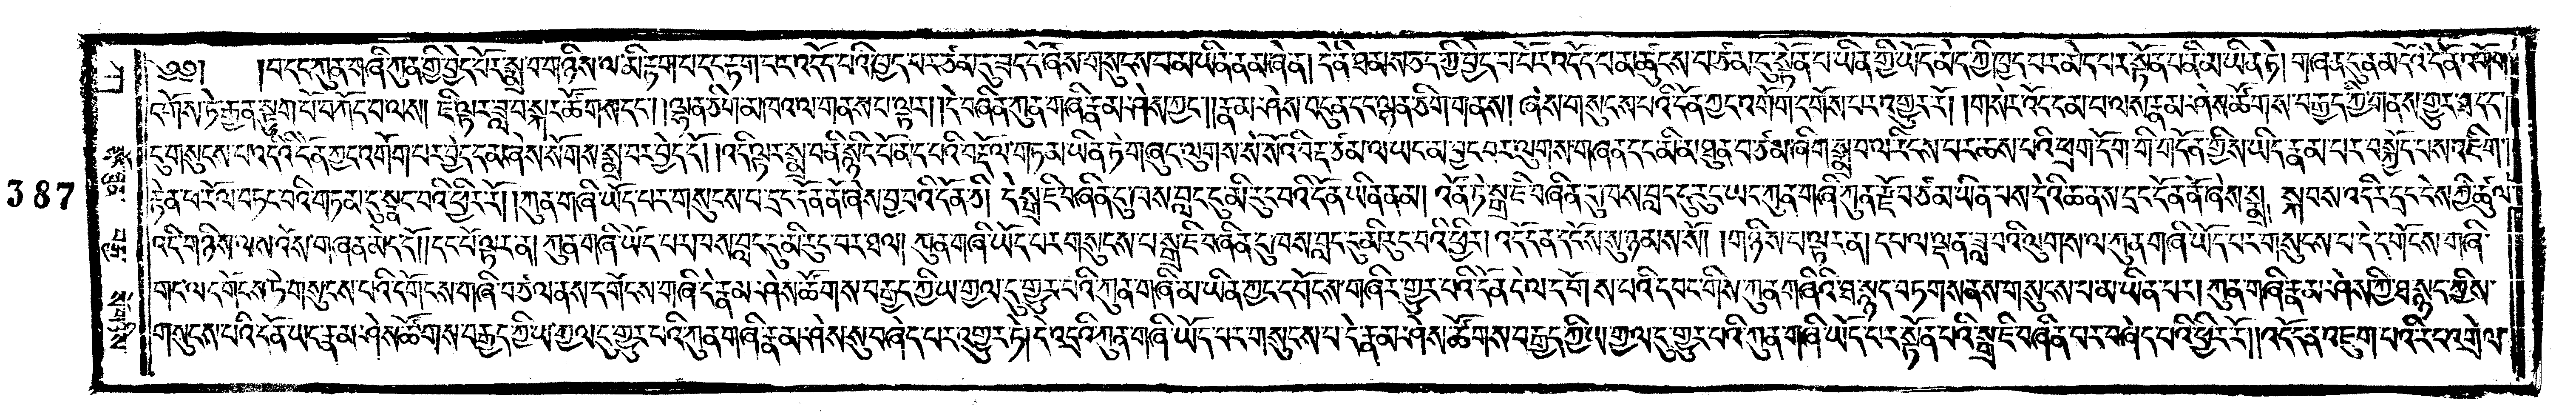༄༅། །པ་དང་ཀུན་གཞི་ཀུན་གྱི་བྱེད་པོར་སྨྲ་བ་གཉིས་ལ་མི་རྟག་བ་དང་རྟག་པར་འདོད་པའི་ཁྱད་པར་ཙམ་དུ་ཟད་དོ་ཞེས་གསུངས་པ་མ་ཡིན་ནམ་ཞེ་ན། དེ་ནི་ཐམས་ཅད་ཀྱི་བྱེད་པ་བོར་འདོད་པ་མཚུངས་པ་ཙམ་དུ་སྟོན་པ་ཡིན་གྱི་ཡོད་མེད་ཀྱི་ཁྱད་པར་མེད་པར་སྟོན་པ་ནི་མ་ཡིན་ཏེ། གཞན་དུ་ན་མདོའི་དོན་འགོག་
དགོས་ཏེ་རྒྱན་སྟུག་པོ་བཀོད་བ་ལས། ཇི་ལྟར་ཟླ་བ་སྐར་ཚོགས་དང་། །ལྷན་ཅིག་མཁའ་ལ་གནས་པ་ལྟར། །དེ་བཞིན་ཀུན་གཞི་རྣམ་ཤེས་ཀྱང་། །རྣམ་ཤེས་བདུན་དང་ལྷན་ཅིག་གནས། ཞེས་གསུངས་པའི་དོན་ཀྱང་འགོག་དགོས་པར་འགྱུར་རོ། །གསེར་འོད་དམ་པ་ལས་རྣམ་ཤེས་ཚོགས་བརྒྱད་ཀྱི་གནས་གྱུར་ཐ་དད་
དུ་གསུངས་པ་འདིའི་དོན་ཀྱང་འགོག་པར་བྱེད་དམ་ཞེས་སོགས་སྨྲ་བར་བྱེད་དོ། །འདི་ལྟར་སྨྲ་བ་ནི་སྙིང་པོ་མེད་པའི་བརྡོལ་གཏམ་ཡིན་ཏེ་གཞུང་ལུགས་སོ་སོའི་བརྡ་ཙམ་ལ་ཡང་མ་བྱང་བར་ལུགས་གཞན་དང་མི་མཐུན་པ་ཙམ་ཞིག་སྨྲ་བ་ལ་རིངས་བར་ཆས་པའི་ཕྲག་དོག་གི་གདོན་གྱིས་ཡིད་རྣམ་པར་བསྐྱོད་པས་འཇིག་
རྟེན་ཕ་རོལ་བཏང་བའི་གཏམ་དུ་སྣང་བའི་ཕྱིར་རོ། །ཀུན་གཞི་ཡོད་པར་གསུངས་པ་དྲང་དོན་ནོ་ཞེས་བྱ་བའི་དོན་ཅི། དེ་སྒྲ་ཇི་བཞིན་དུ་ཁས་བླང་དུ་མི་རུང་བའི་དོན་ཡིན་ནམ། འོན་ཏེ་སྒྲ་ཇི་བཞིན་དུ་ཁས་བླང་དུ་རུང་ཡང་ཀུན་གཞི་ཀུན་རྫོབ་ཙམ་ཡིན་པས་དེའི་ཆ་ནས་དྲང་དོན་ནོ་ཞེས་སྨྲ། སྐབས་འདིར་དྲང་ངེས་ཀྱི་ཚུལ་
འདི་གཉིས་ལས་འོས་གཞན་མེད་དོ། །དང་པོ་ལྟར་ན། ཀུན་གཞི་ཡོད་པར་ཁས་བླང་དུ་མི་རུང་བར་ཐལ། ཀུན་གཞི་ཡོད་པར་གསུངས་པ་སྒྲ་ཇི་བཞིན་དུ་ཁས་བླང་དུ་མི་རུང་བའི་ཕྱིར། འདོད་ན་དངོས་སུ་ཉམས་སོ། །གཉིས་པ་ལྟར་ན། དཔལ་ལྡན་ཟླ་བའི་ལུགས་ལ་ཀུན་གཞི་ཡོད་པར་གསུངས་པ་དེ་དགོངས་གཞི་
གང་ལ་དགོངས་ཏེ་གསུངས་པའི་དགོངས་གཞི་བཙལ་ནས་དགོངས་གཞི་དེ་རྣམ་ཤེས་ཚོགས་བརྒྱད་ཀྱི་ཡ་གྱལ་དུ་གྱུར་པའི་ཀུན་གཞི་མ་ཡིན་ཀྱང་དགོངས་གཞིར་གྱུར་པའི་དོན་དེ་ལ་དགོས་པའི་དབང་གིས་ཀུན་གཞིའི་ཐ་སྙད་བཏགས་ནས་གསུངས་པ་མ་ཡིན་པར། ཀུན་གཞི་རྣམ་ཤེས་ཀྱི་ཐ་སྙད་ཀྱིས་
གསུངས་པའི་དོན་ཡང་རྣམ་ཤེས་ཚོགས་བརྒྱད་ཀྱི་ཡ་གྱལ་དུ་གྱུར་པའི་ཀུན་གཞི་རྣམ་ཤེས་སུ་བཞེད་པར་འགྱུར་ཏེ། དེ་འདྲའི་ཀུན་གཞི་ཡོད་པར་གསུངས་པ་དེ་རྣམ་ཤེས་ཚོགས་བརྒྱད་ཀྱི་ཡ་གྱལ་དུ་གྱུར་བའི་ཀུན་གཞི་ཡོད་པར་སྟོན་པའི་སྒྲ་ཇི་བཞིན་པར་བཞེད་པའི་ཕྱིར་རོ། །འདོད་ན་འཇུག་པའི་རང་འགྲེལ་